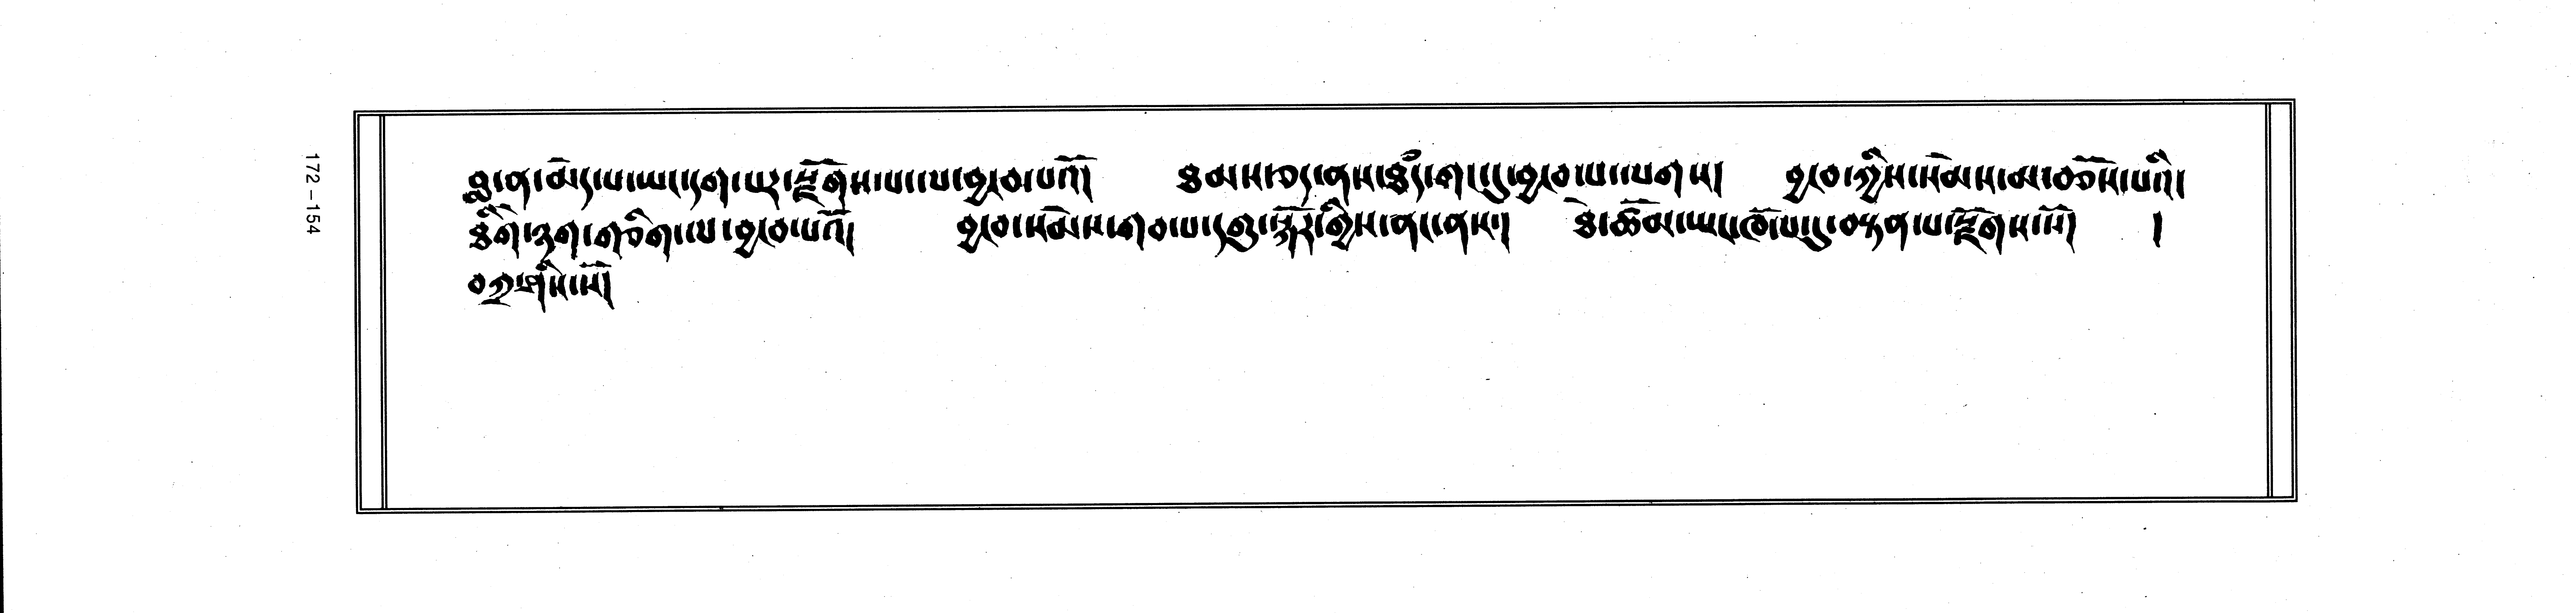བླ་ན་མེད་པ་ཡང་དག་པར་རྫོགས་པ་ལ་བྱང་ཆུབ་པའོ། ཐམས་ཅད་ནས་ཐམས་ཅད་གང་དུ་བྱང་ཆུབ་པ་ལགས། བྱང་ཆུབ་ཀྱི་སེམས་མ་བཅོས་པའི་
ཐིག་ལེ་ཉག་གཅིག་ལ་བྱང་ཆུབ་པའོ། བྱང་ཆུབ་སེམས་གབ་པ་དགུ་སྐོར་གྱིས་ནང་ནས། ཐེ་ཚོམ་ཡང་ཁོལ་དུ་བསྟན་པ་རྫོགས་སྭོ།
བཀྲ་ཤིས་སྭོ།